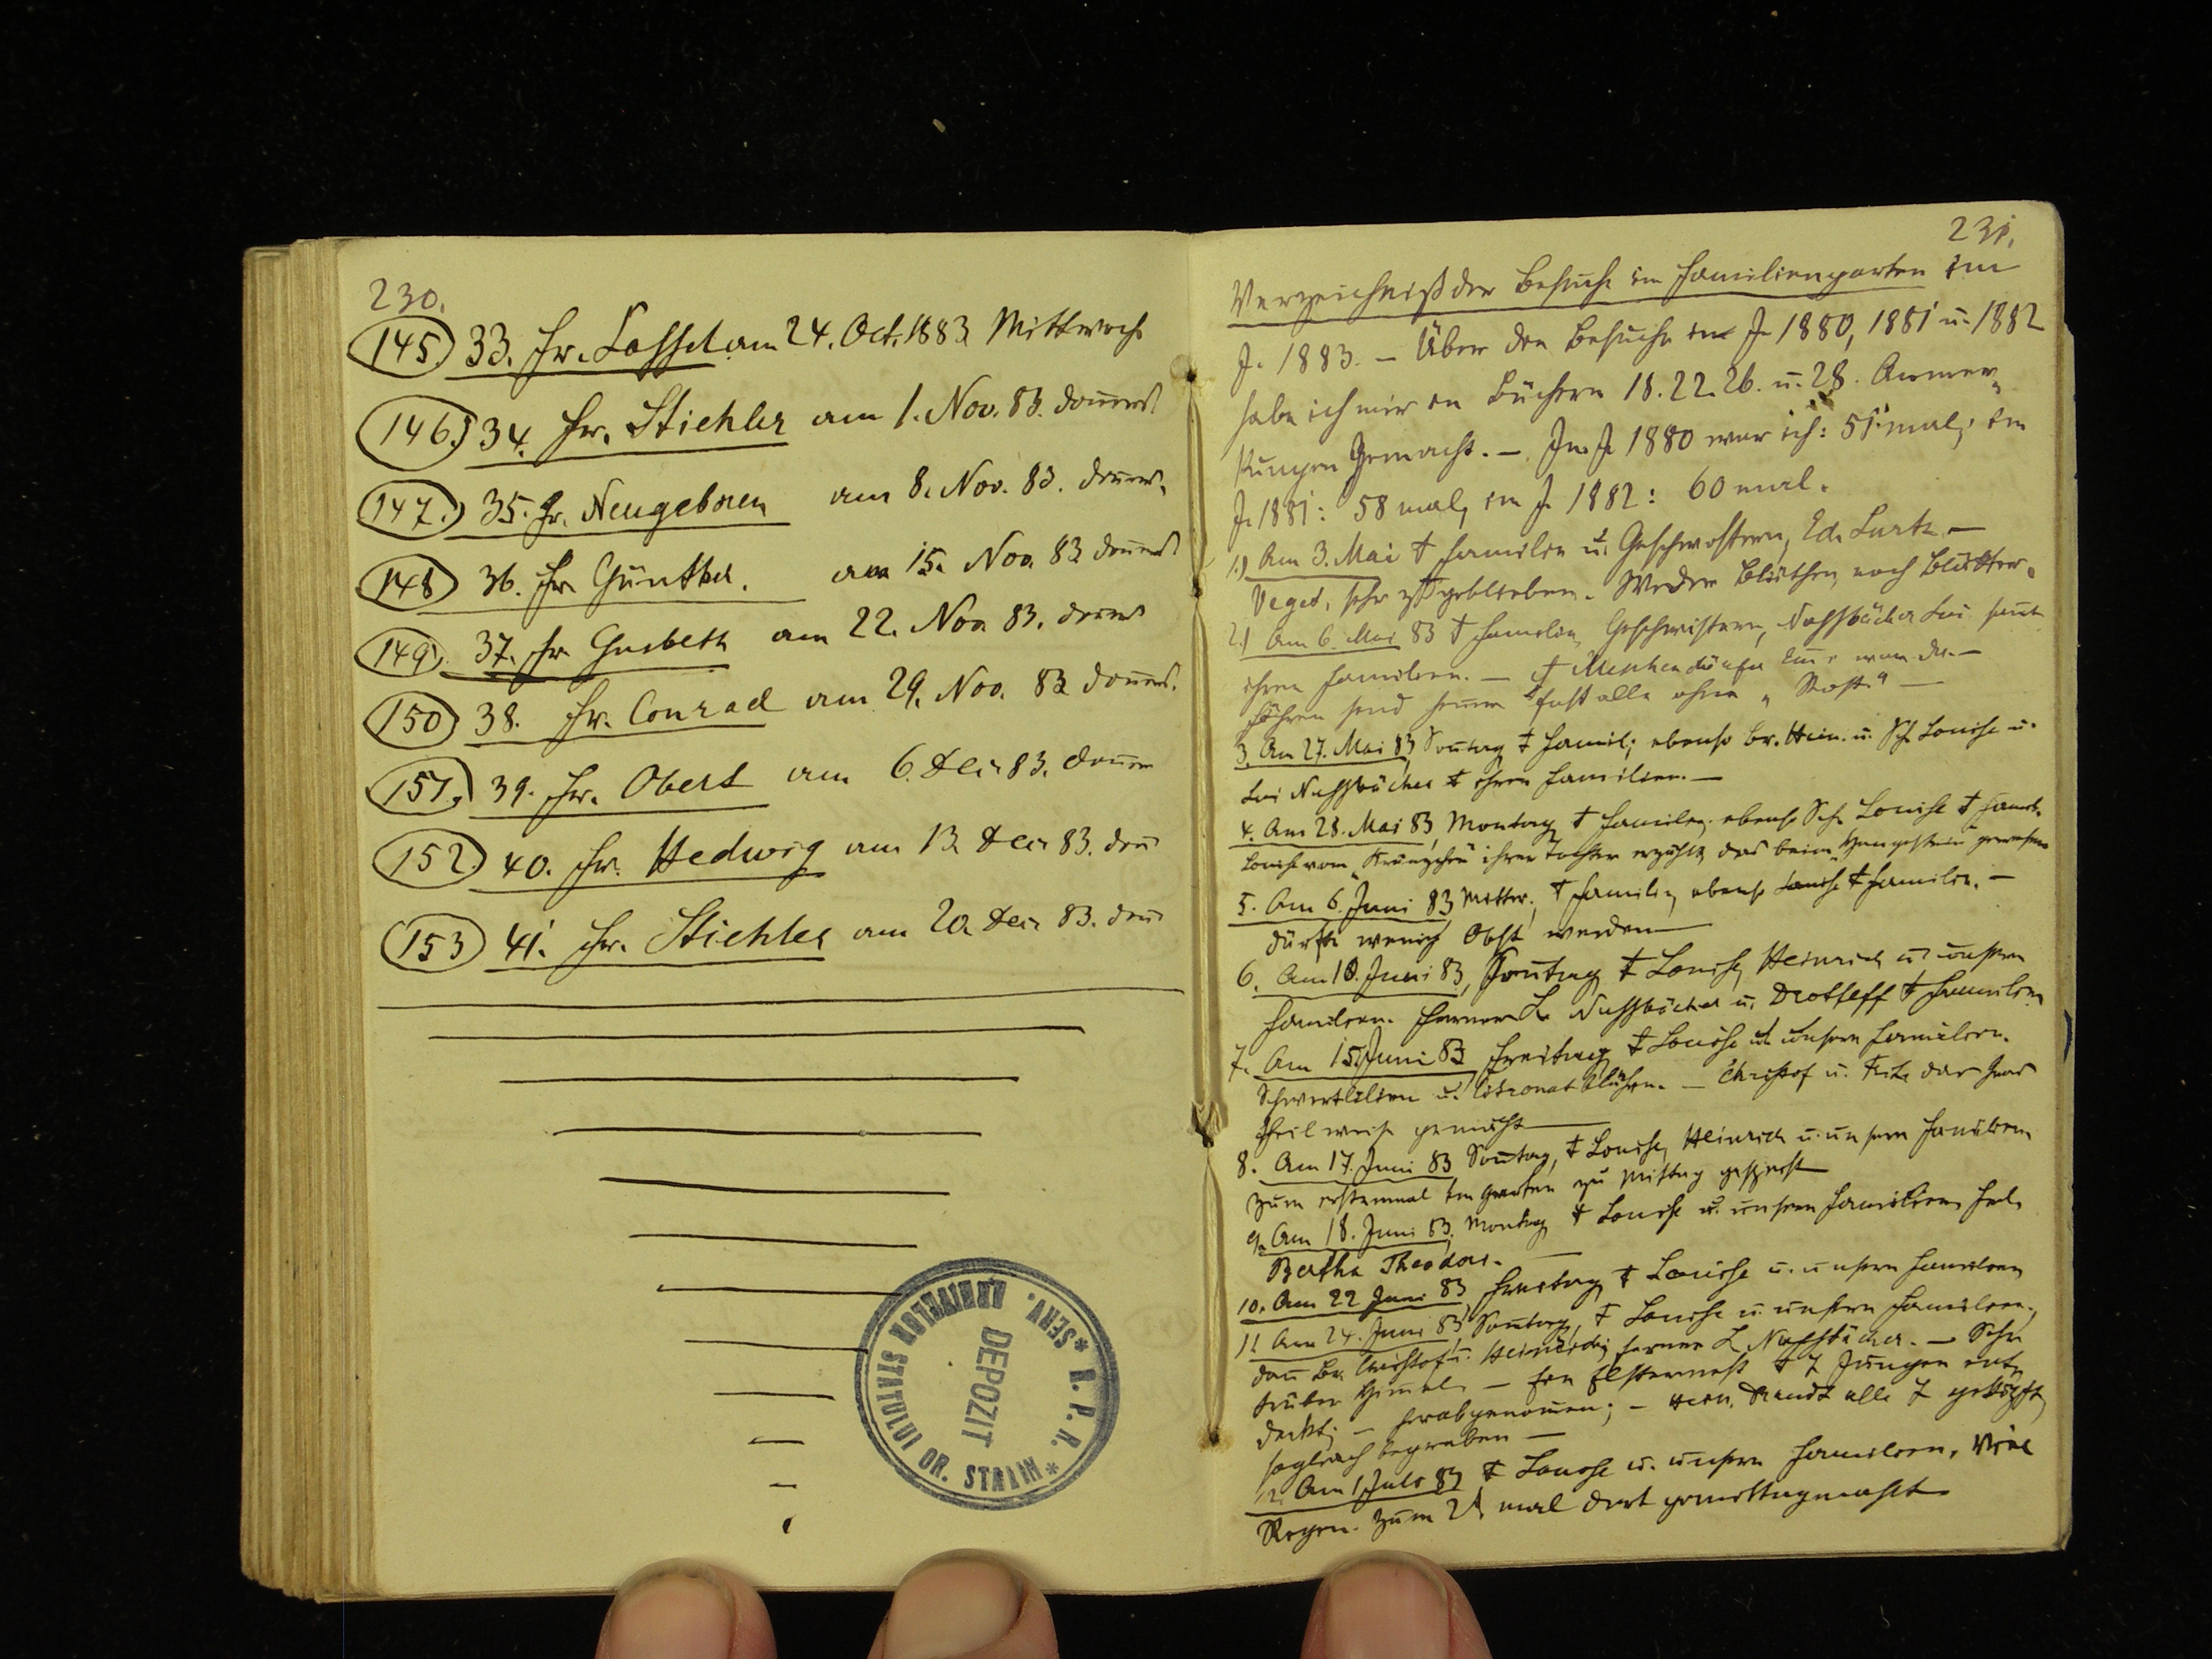230
145. 33) Fr. Lassel am 24. Oktob. 83 Mittwoch
146. 34) Fr. Stiehler am 1. Nov. 83 Donnerstag
147. 35) Fr. Neugeboren am 8. Nov. 83 Donnerstag
148. 36) Fr. Günther am 15.Nov. 83 Donnerstag
149. 37) Fr. Gusbeth am 22. Nov. 83 Donnerstag
150. 38) Fr. Conrad am 29. Nov. 83 Donnerstag
151. 39) Fr. Obert am 6. Dez. 83 Donnerstag
152. 40) Fr. Hedwig am 13. Dez. 83 Donnerstag
153. 41) Fr. Stiehler am 20. Dez. 83 Donnerstag
231
Verzeichniß der Besuche im Familiengarten im
Jahre 1883 . Über die Besuche in Jahren 1880, 1881 und 1882
habe ich mir in Büchern 18; 22; 26 und 28 Anmer¬
kungen gemacht.- Im Jahre 1880 war ich : 51 mal, im
J. 1881: 58 mal, im J. 1882 : 60 mal.
1) Am 3.Mai mit Familie und Geschwistern, Edi Lurtz.-
Vegetation sehr zurückgeblieben. Weder Blüthen noch Blätter.
2) Am 6. Mai 83 mit Familie, Geschwister, Nussbächer Leni samt
ihrer Familie.- mit Meschendörfer Emmi ?Wenn ? Diese
Föhren sind heuer fast alle ohne „Rost“—
3) Am 27 mai 83. Sonntag mit Familie; ebenso Br. Heinrich und Schw. Louise und
Loi Nussbächer mit ihren Familien.-
4) Am 23 Mai 83. Montag mit Familien, ebenso Schw. Louise mit Familie.
Louise vom „Kränzchen“ ihrer Tochter erzählt das beim „Hangestein „ gewesen.—
5) Am 6.Juni 83. Mttwoch: mit Familie, ebenso Louise mit Familie,
dürfte wenig Obst werden.
6) Am 10. Juni. 83. Sonntag. Mit Louise, Heinrich und unseren
Familien. Ferner L. Nussbächer und Drotleff mit Familien.
7) Am 15. Juni 83. Freitag mit Louise und unseren Familien.
Schwertlilien und Citronat blühen.- Christof und Teita das Gras
theilweise gemäht.-
8) Am 17 Juni 83 . Sonntag, mit Louise, Heinrich und unseren Familien
zum erstenmal im Garten zu Mittag gespeist.
9) Am 18. Juni 83. Montag mit Louise und unseren Famil, Frl.
Bertha Theodore.
10) Am 22 Juni 83. Freitag mit Louise und unseren Familien.
11) Am 24 Juni 83 Sonntag, mit Louise und unseren Familien,
dann Br. Christof und Heinrich, ferner L. Nussbächer.- Sehr
trüber Himmel- Ein Elsternest mit 7 Jungen ent¬
deckt.- herabgenommen;- Hein. Draudt alle 7 geköpft,
sogleich begraben.
12) Am 1 Juli 83 mit Louise und unseren Familien, viel
Regen. Zum 2-ten mal dort gemittagemacht.--